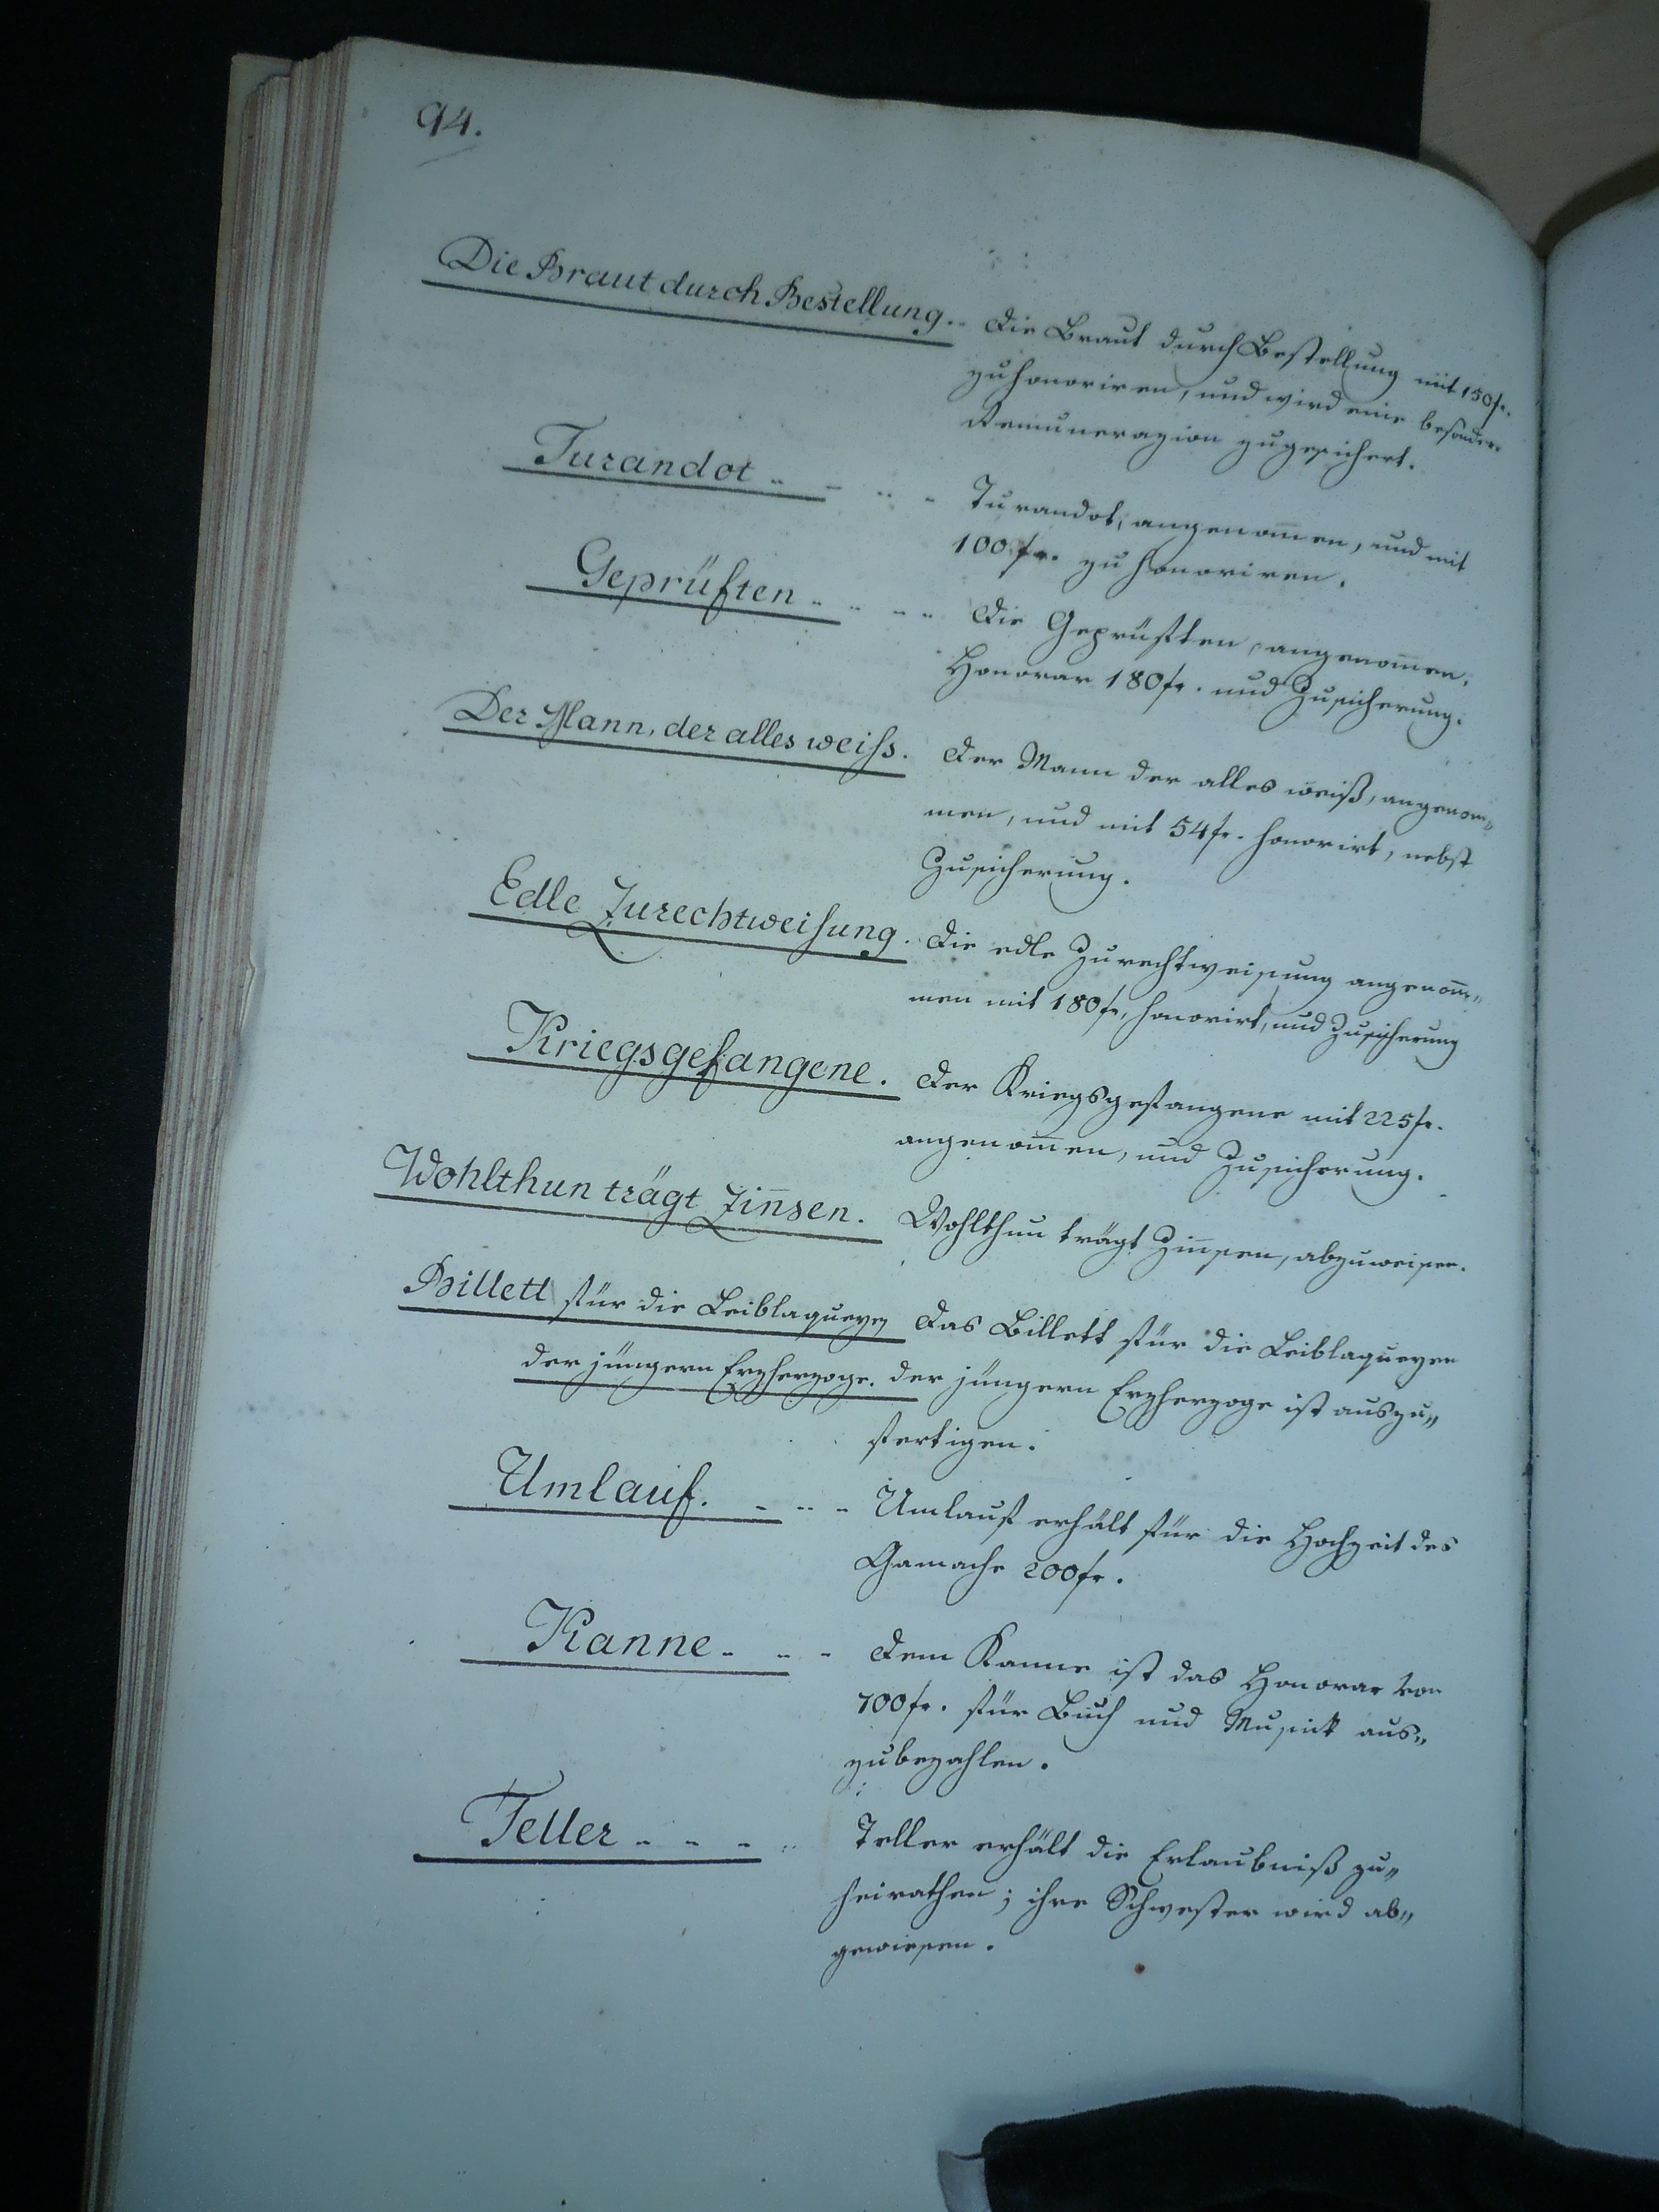94.
Die Braut durch Bestellung. Die Braut durch Bestellung mit 150fr.
zuhonoriren, und wird eine besondere
Remunerazion zugesichert.
Turandot .. .. .. .. Turandot, angenom̅en, und mit
100fr. zu honoriren.
Geprüften .. .. .. .. Die Geprüften, angenom̅en,
Honorar 180fr. und Zusicherung.
Der Mann, der alles weiss. Der Mann der alles weiß, angenem¬
men, und mit 54fr. honorirt, nebst
Zusicherung.
Edle Zurechtweisung . Die edle Zurechtweisung angenom̅¬
men mit 100fr. honorirt, und Zusicherung
Kriegsgefangene. Der Kriegsgefangene mit 225fr.
angenom̅en, und Zusicherung.
Wohlthun trägt Zin̅sen. Wohlthun trägt Zin̅sen, abzuweisen.
Billett für die Leiblaqueyen
der jüngern Erzherzoge.
Das Billett für die Leiblaqueyen
der jüngern Erzherzoge ist auszu¬
fertigen.
Umlauf. .. .. .. Umlauf erhält für die Hochzeit des
Gamache 200fr.
Kanne .. .. .. Dem Kanne ist das Honorar von
700fr. für Buch und Musik aus¬
zubezahlen.
Teller .. .. .. .. Teller erhält die Erlaubniß zu¬
heirathen; ihre Schwester wird ab¬
gewiesen.